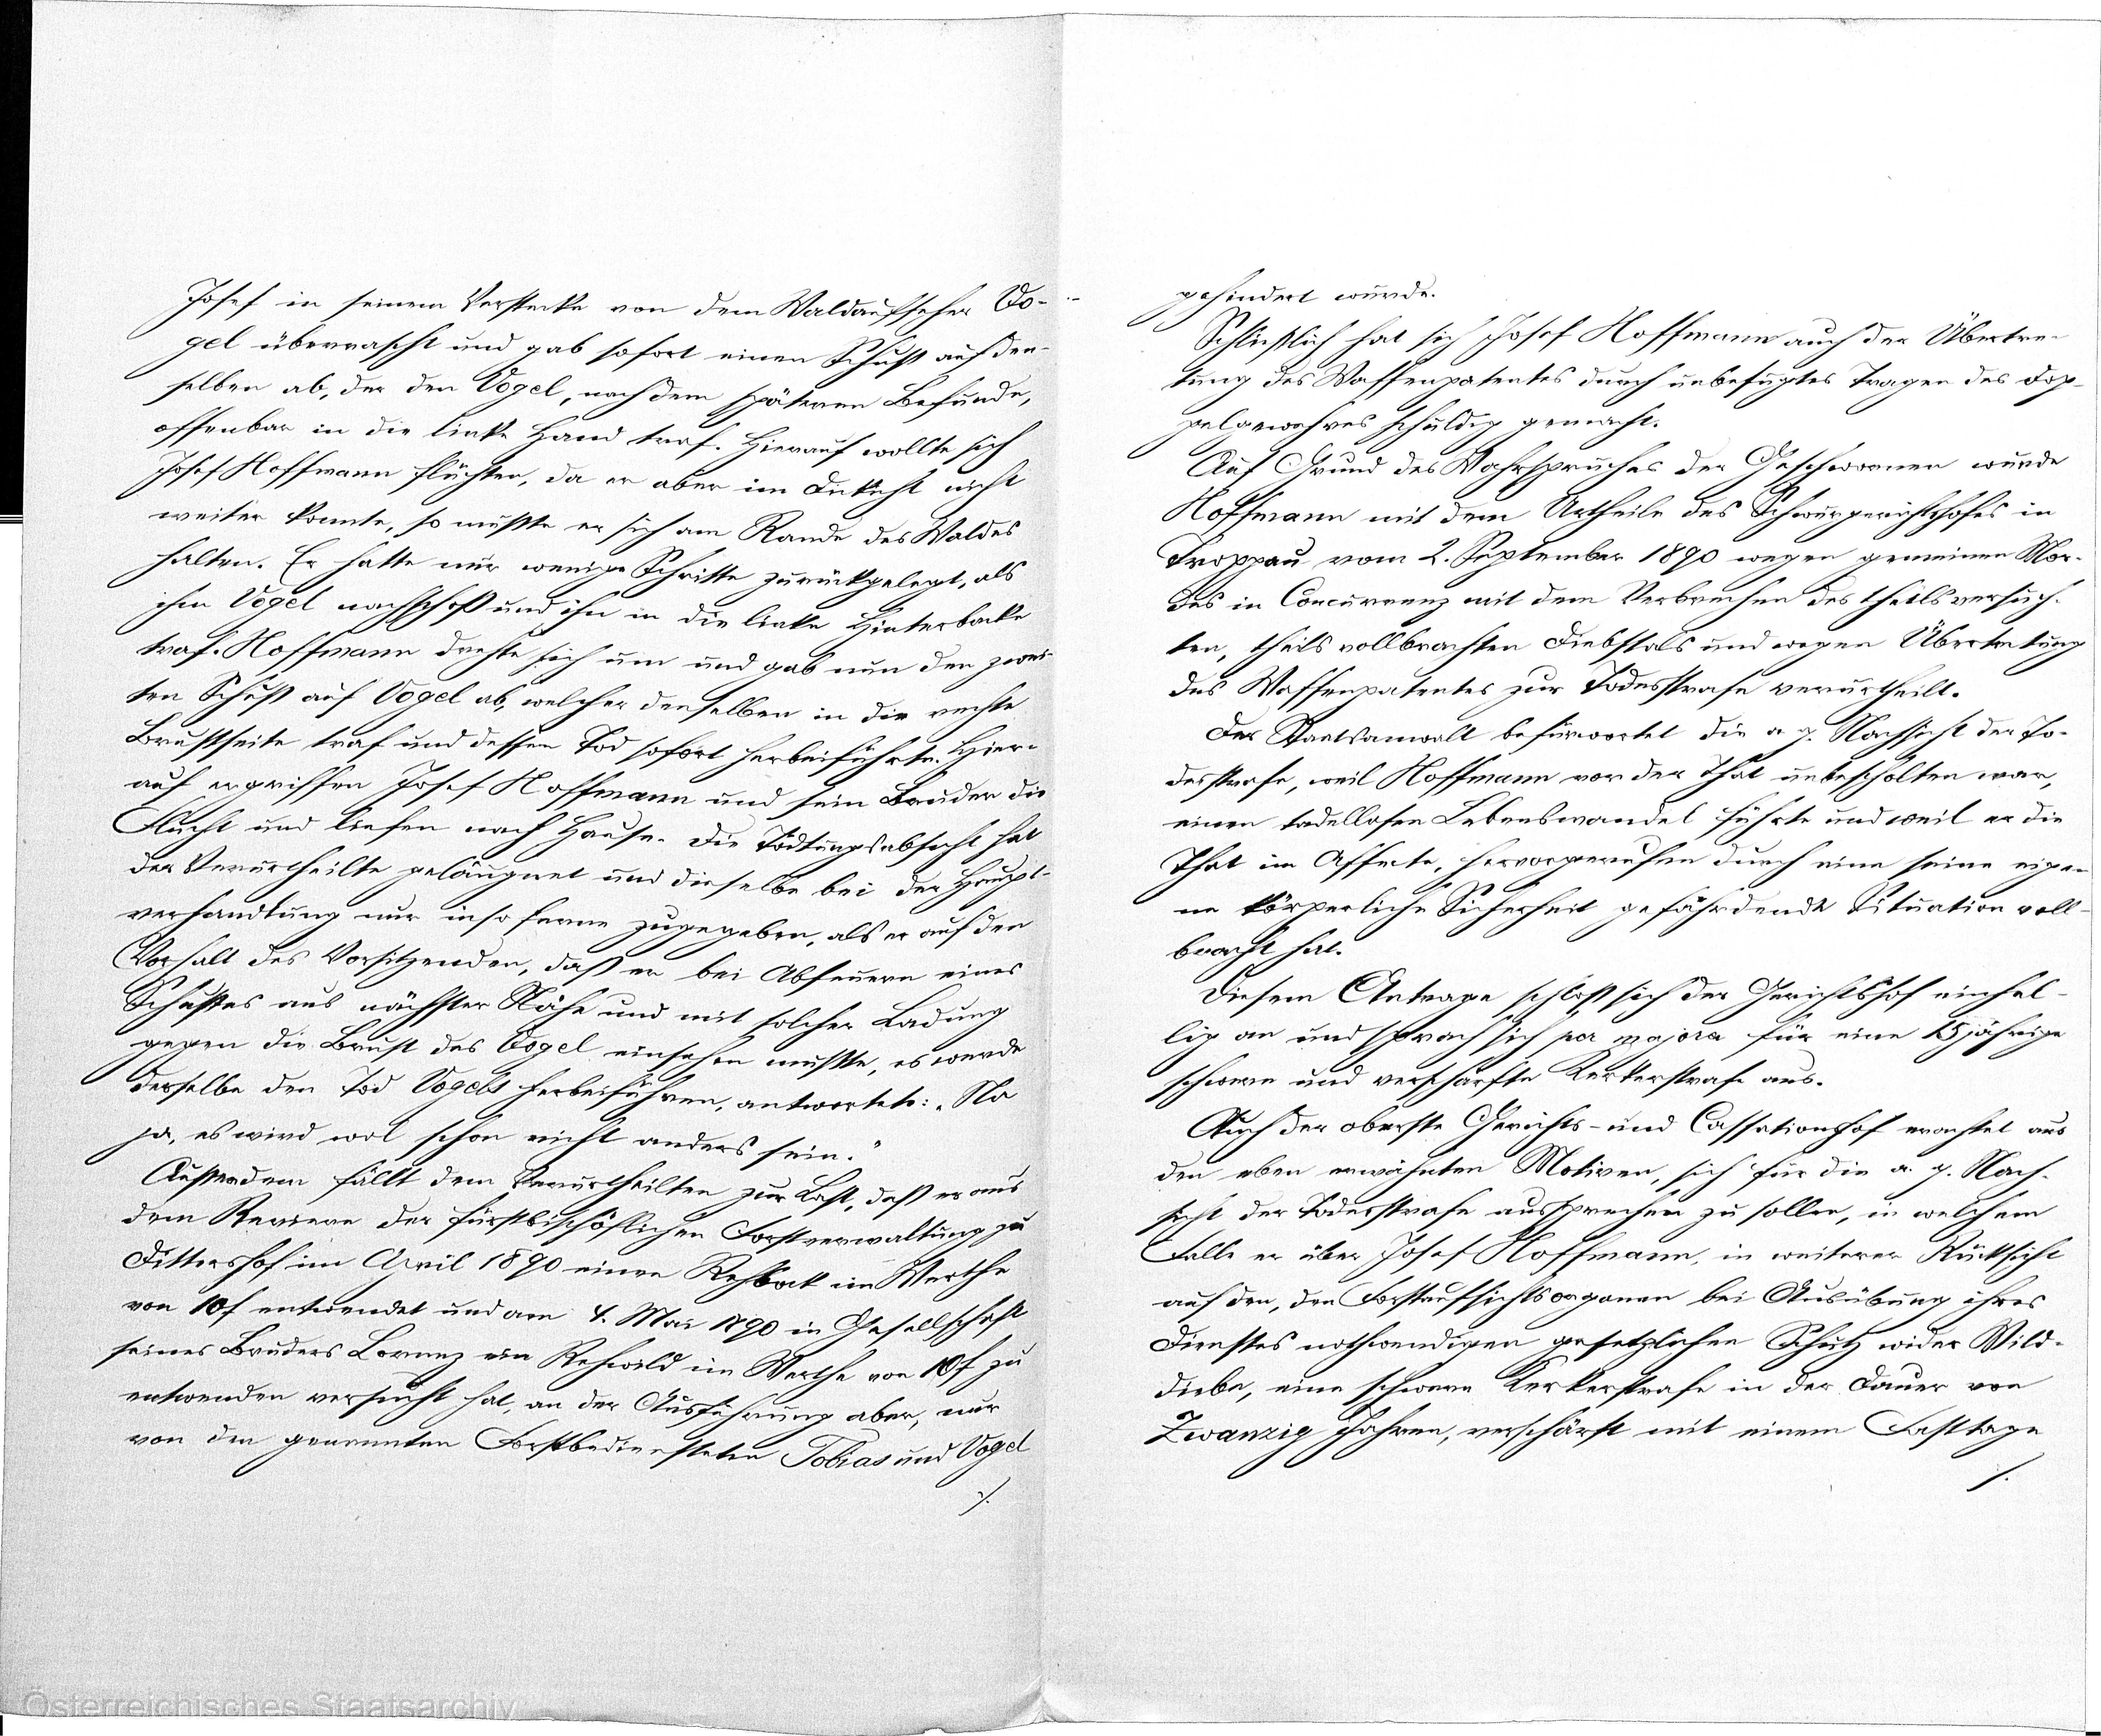Josef in seinem Verstecke von dem Waldaufseher Vo¬
gel überrascht und gab sofort einen Schuß auf den¬
selben ab, der den Vogel, nach dem späteren Befunde,
offenbar in die linke Hand traf. Hierauf wollte sich
Josef Hoffmann flüchten, da er aber im Dickicht nicht
weiter konnte, so müßte er sich am Rande des Waldes
halten. Er hatte nur wenige Schritte zurückgelegt, als
ihm Vogel nachschoß und ihn in die linke Hinterbacke
traf. Hoffmann drehte sich um und gab nun den zwei¬
ten Schuß auf Vogel ab, welcher denselben in die rechte
Brustseite traf und dessen Tod sofort herbeiführte. Hier¬
auf ergriffen Josef Hoffmann und sein Bruder die
Flucht und liefen nach Hause. Die Tödtungsabsicht hat
der Verurtheilte geläugnet und dieselbe bei der Haupt¬
verhandlung nur insoferne zugegeben, als er auf den
Vorhalt des Vorsitzenden, daß er bei Abfeuere eines
Schußes aus nächster Nähe und mit solcher Ladung
gegen die Brust des Vogel einsehen mußte, es werde
derselbe den Tod Vogels herbeiführen, antwortete: „Na
ja, es wird xx schon nicht anders sein."
Außerdem fällt dem Verurtheilten zur Last, daß er aus
dem Reviere der fürstbischöflichen Forstverwaltung zu
Dittershof im April 1890 einen Rehbock im Werthe
von 10f entwendet und am 4. Mai 1790 in Gesellschaft
seines Bruders Lorenz ein Rehwild im Werthe von 10f zu
entwenden versucht hat, an der Ausführung aber, nur
von den genannten Forstbediensteten Tobias und Vogel
gehindert wurde.
Schließlich hat sich Josef Hoffmann auch der Übertre¬
tung des Waffenpatentes durch unbefügtes Tragen des Dop¬
pelgewehres schuldig gemacht.
Auf Grund des Wahrspruches der Geschwornen wurde
Hoffmann mit dem Urtheile des Schwurgerichtshofes in
Troppau vom 2. September 1890 wegen gemeinen Mor¬
des in Concurrenz mit dem Verbrechen des theilsversuch¬
ten, theils vollbrachten Diebstals und wegen Übertretung
des Waffenpatentes zur Todesstrafe verurtheilt.
Der Staatsanwalt befürwortet die a g. Nachsicht der To¬
desstrafe, weil Hoffmann vor der That unbescholten war,
einen tadellosen Lebenswandel führte und weil er die
That im Affecte, hervorgerufen durch eine seine eige¬
ne körperliche Sicherheit gefährdende Situation voll¬
bracht hat.
Diesem Antrage schloß sich der Gerichtshof einhel¬
lig an und sprach sich por majora für eine 15jährige
schwere und verschärfte Kerkerstrafe aus.
Auch der oberste Gerichts- und Cassationshof erachtet aus
den eben erwähnten Motiven, sich für die a. g. Nach¬
sicht der Todesstrafe aussprechen zu sollen, in welchem
Falle er über Josef Hoffmann, in weiterer Rücksicht
auf den, den Bestaufsichtsorganen bei Ausübung ihres
Dienstes nothwendigen gesetzlichen Schutz wider Wild¬
diebe, eine schwere Kerkerstrafe in der Dauer von
Zwanzig Jahren, verschärft mit einem Fasttage